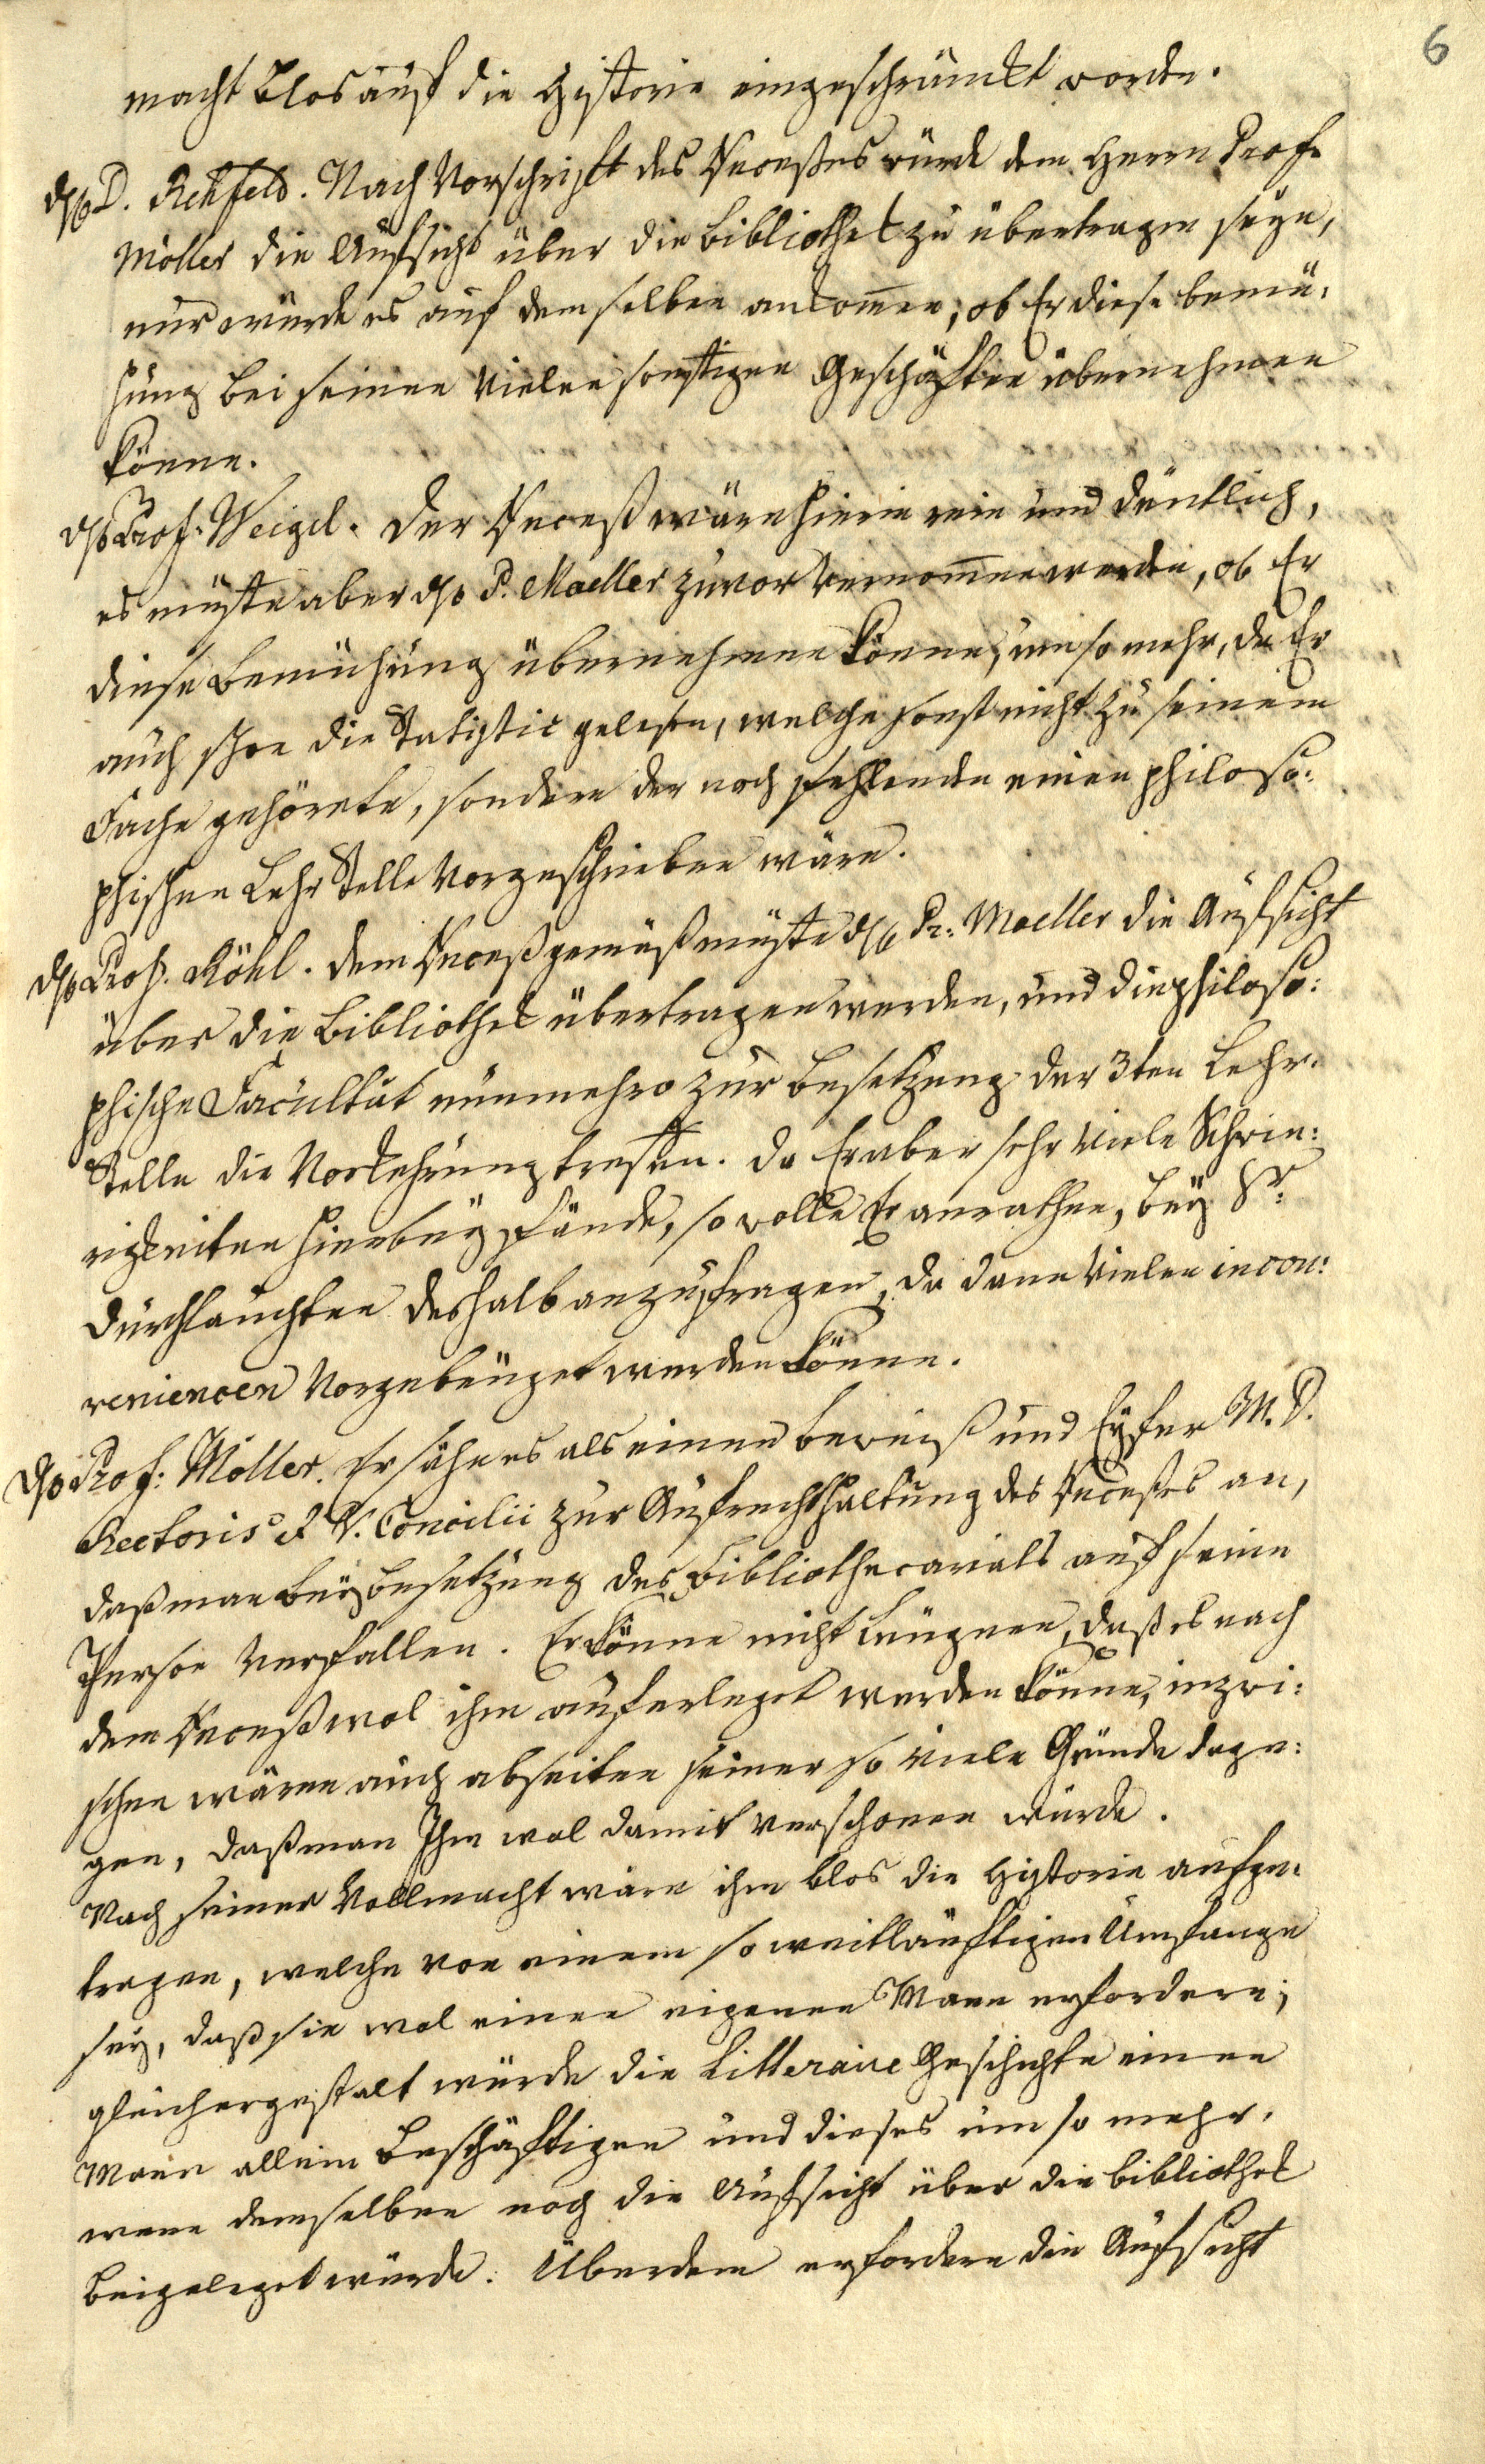macht blos auf die Historie ingeschränckt worden¬
dh D. Rehfeld. Nach Vorschrift des Receßes würde dem Herrn Prof.
Möller die Aufsicht über die Bibliothek zu übertragen seÿn,
nur würde es auf dem selben ankomen, ob Er diese bemü¬
hung bei seinen vielen sonstigen Geschäften übernehmen
könne.
dh. Prof. Weigel. Der Receß wäre hierin rein und deutlich,
es müste aber dh. P. Moeller zuvor vernomen werden, ob Er
diese Bemühung übernehmen könne, umso mehr, da Er
auch schon die Statistic gelesen, welche sonst nicht zu seinem
Fache gehörete, sondern der noch fehlenden einen philoso¬
phischen LehrStelle vorgeschrieben wäre.
dh. Prof. Röhl. dem Receß gemäß müste dh Pr. Moeller die Aufsicht
über die Bibliothek übertragen werden, und diephiloso¬
phische Facultät nunmehro zur Besetzung der 3ten Lehr¬
Stelle die Vorkehrung treffen. Da Er aber sehr diese Schwie¬
rigkeiten hierüber fände, so wolle Er anrathen, beÿ Sr
Durchlauchten deshalb anzufragen, da dann vielen incon¬
veniencen vorgebeuget werden könne.
dh Prof. Möller. Er sähe es als einen Beweis und Eÿfer M.D..
Rectoris et V. Concilii zur Aufrechthaltung des Receßes an,
daß man bei Besetzung des Bibliothecariats auf seine
Person verfallen. Er könne nicht leugnen, daß es nach
dem Receß wol ihm auferleget werden könne, inzwi¬
schen wären auch abseiten seiner so viele Gründe dage¬
gen, daßman Ihm wol damit verschonen würde.
Nach seiner Vollmacht wäre ihm blos die Historie aufge¬
tragen, welche von einem so weitläuftigen Umfange
seÿ, daß sie wohl einen eigenen Mann erfordere,
gleichergestalt würde die Litteraire Geschichte einen
Mann allein beschäftigen und dieses ein so mehr,
wenn demselben noch die Aufsicht über die Bibliothek
beigeleget würde. Überdem erfordern die Aufsicht